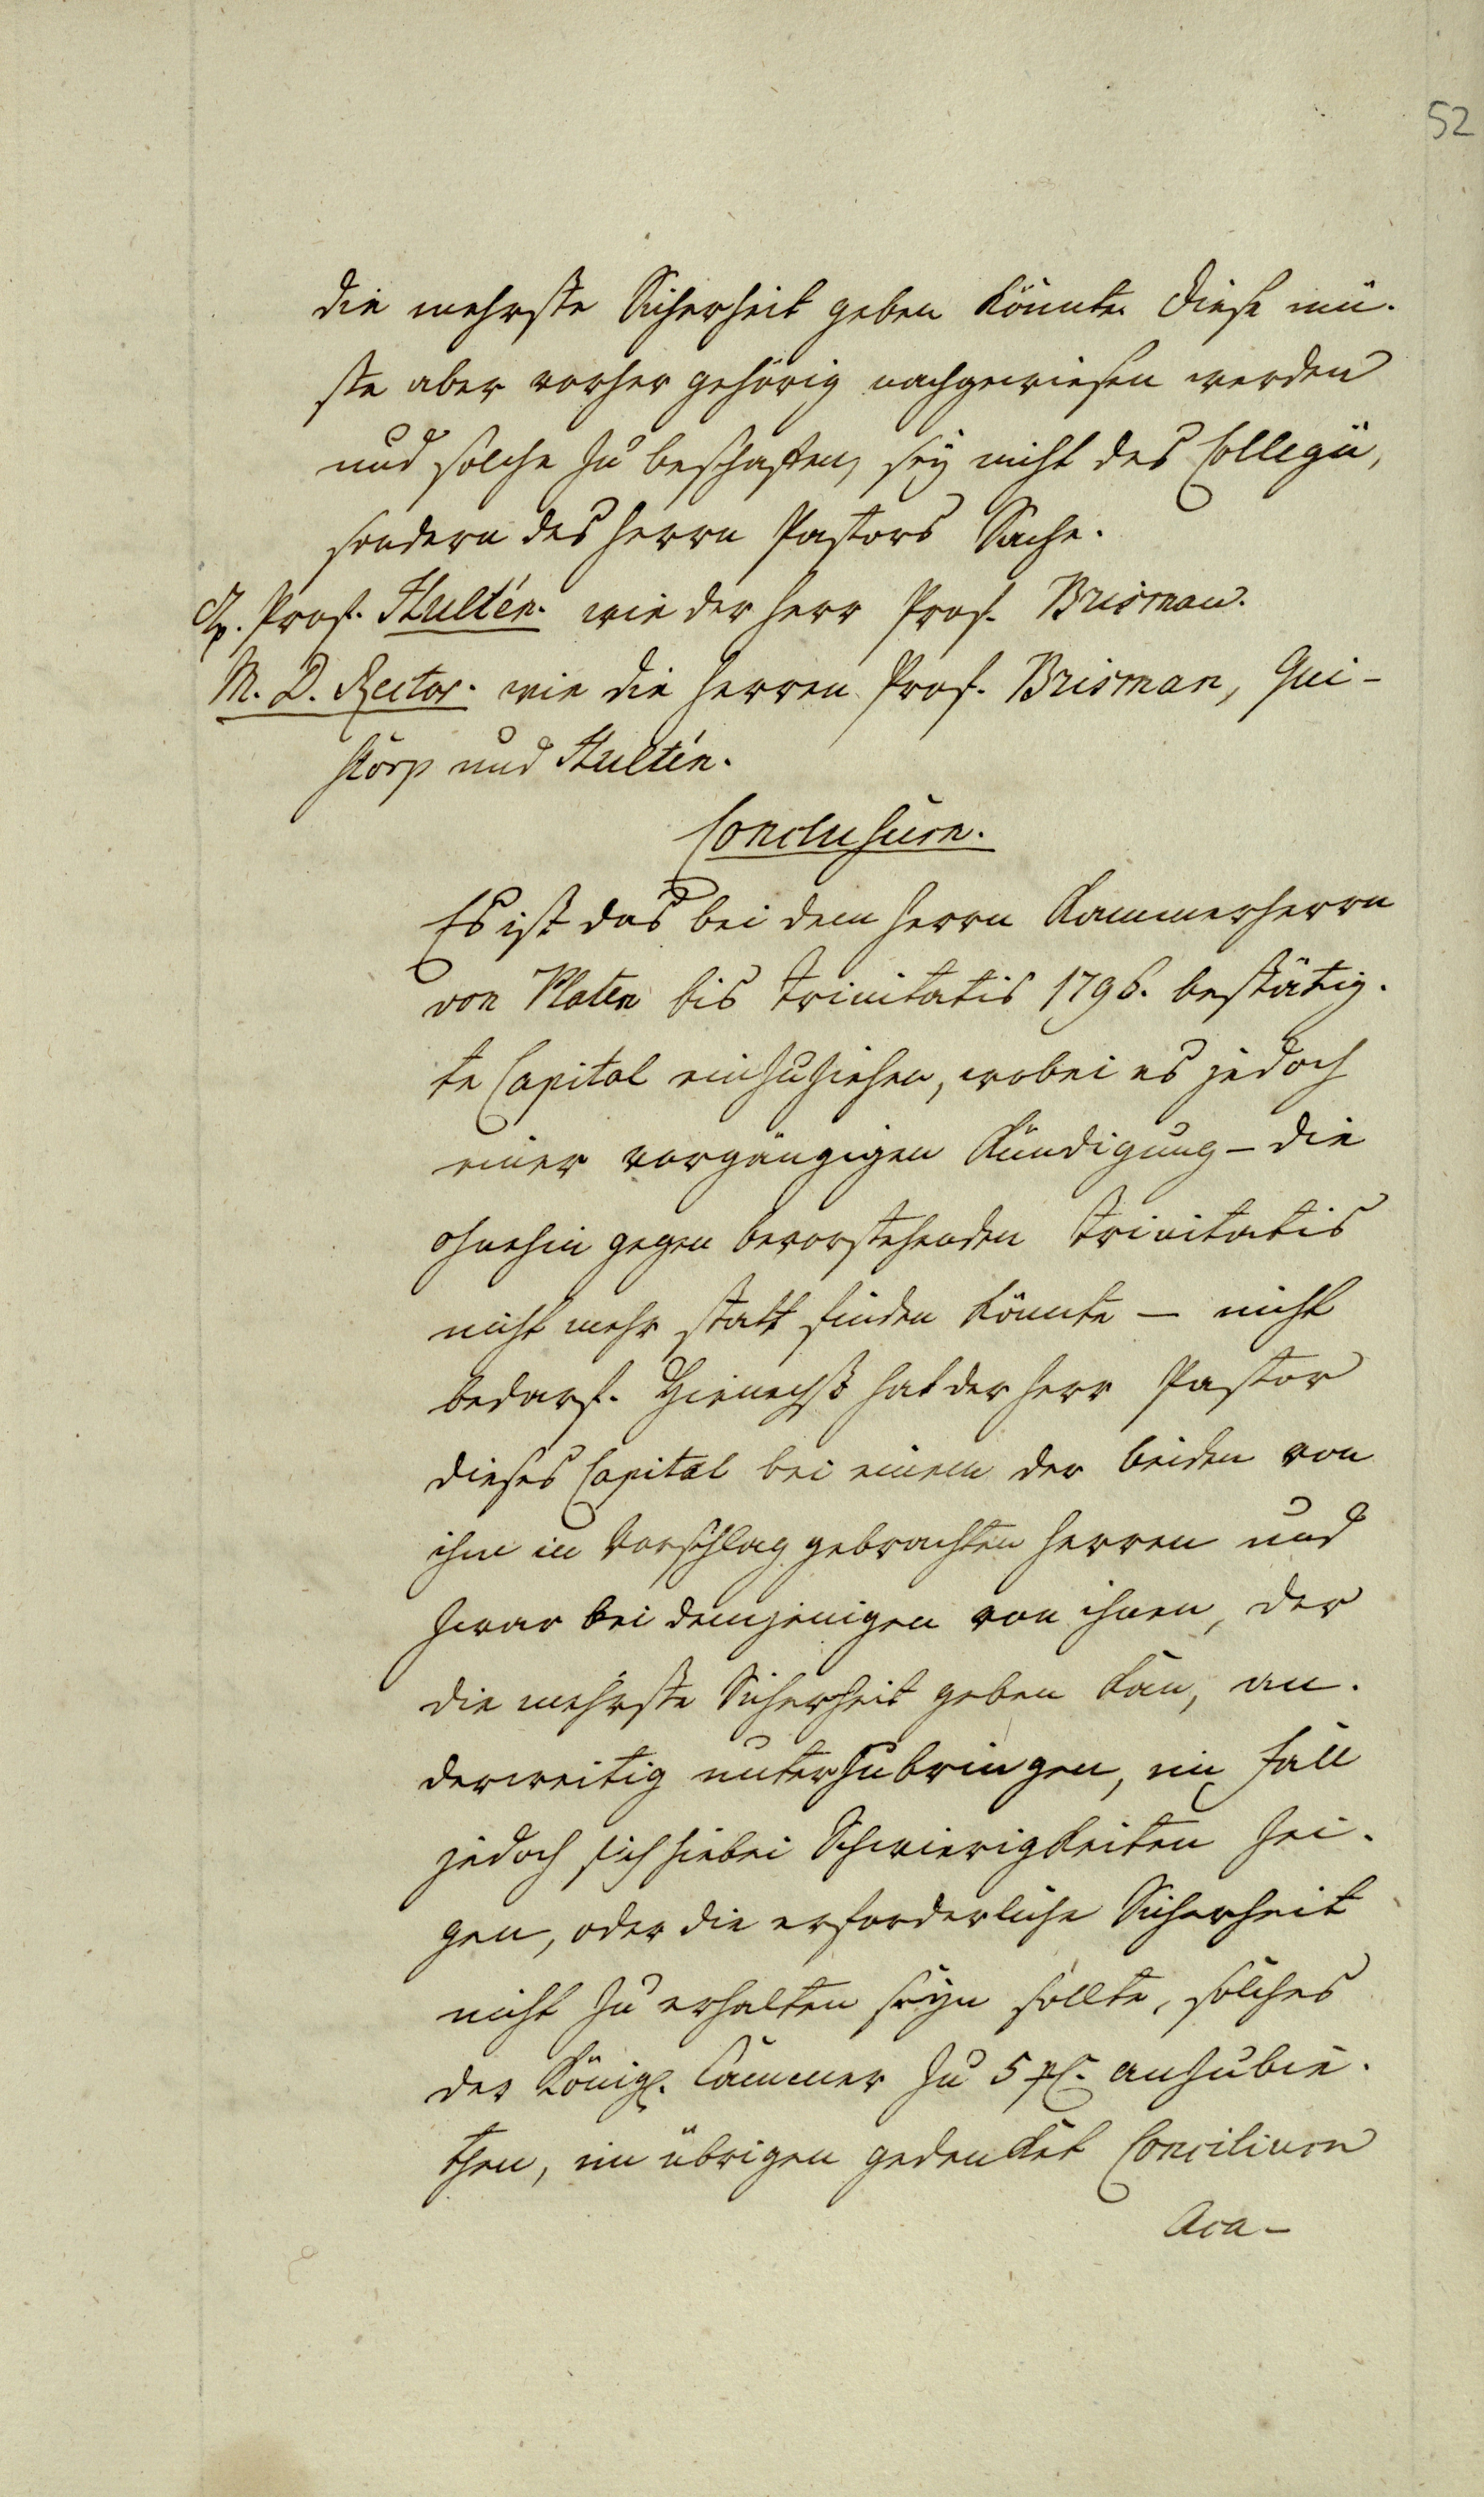die mehrste Sicherheit geben könnte. Diese mü¬
ste aber vorher gehörig nachgewiesen werden
und solche zu beschaffen, seÿ nicht des Collegii,
sondern des Herrn Pastors Sache.
dh. Prof. Hultén wie der Herr Prof. Brisman.
M. D. Rector. wie die Herren Prof. Brisman, Qui-
storp und Hultén.
Conclusum.
Es ist das bei dem Herrn Kammerherrn
von Platen bis Trinitatis 1796. bestätig¬
te Capital einzuziehen, wobei es jedoch
einer vorgängigen Kündigung die
ohnehin gegen bevorstehenden Trinitatis
nicht mehr statt finden könnte nicht
bedarf. Hienechst hat der Herr Pastor
dieses Capital bei einem der beiden von
ihm in Vorschlag gebrachten Herren und
zwar bei demjenigen von ihnen, der
die mehrste Sicherheit geben kan, an¬
derweitig unterzubringen, im Fall
jedoch sich hiebei Schwierigkeiten zei¬
gen, oder die erforderliche Sicherheit
nicht zu erhalten seÿn sollte, solches
der Königl. Cammer zu 5 pl. anzubie¬
ten, im übrigen gedenket Concilium
Aca¬